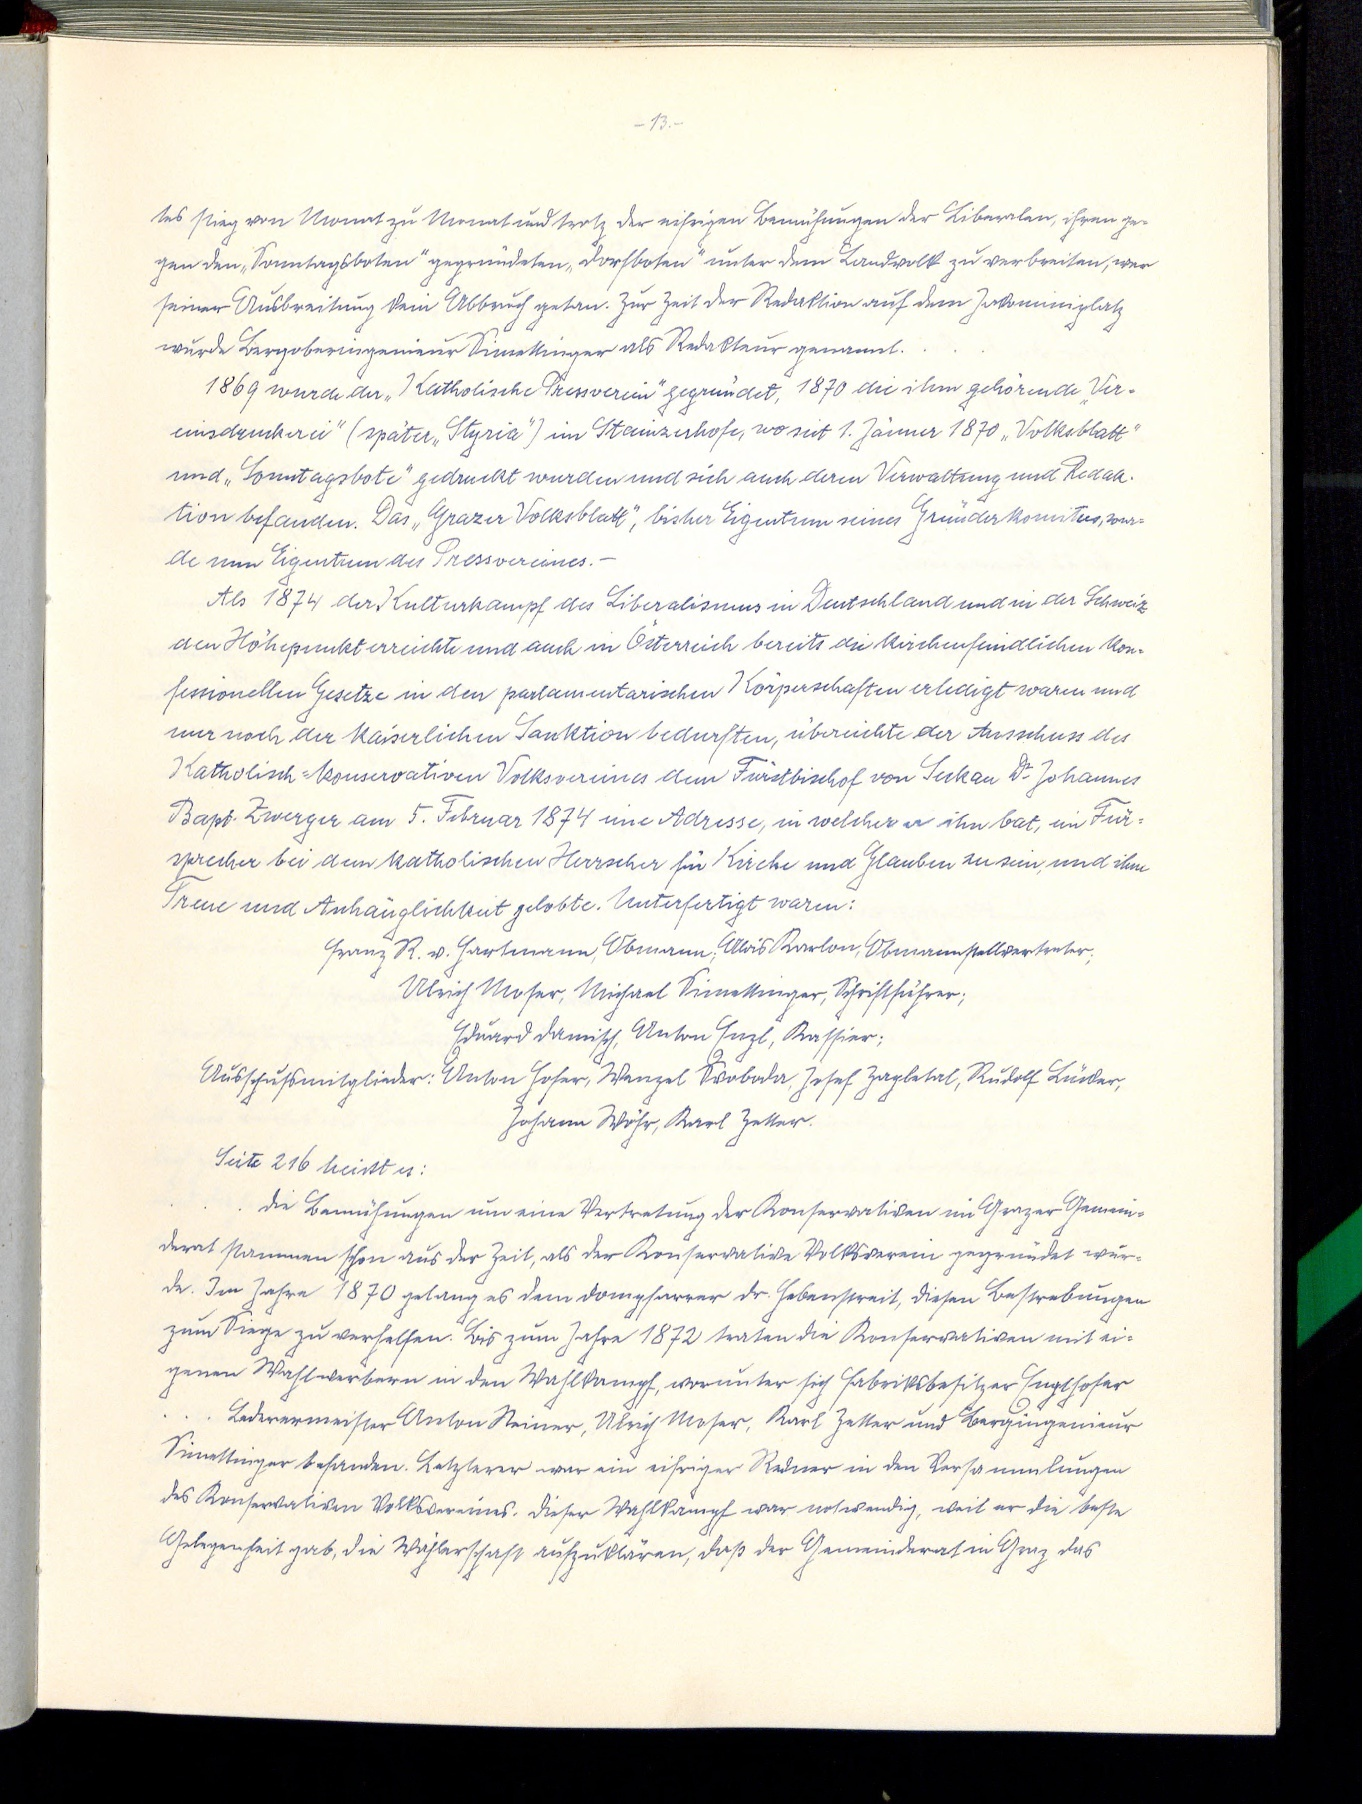-13.-
tes stieg von Monat zu Monat und trotz der eifrigen Bemühungen der Liberalen, ihren ge-
gen den "Sonntagsboten" gegründeten "Dorfboten" unter dem Landvolk zu verbreiten, war
seiner Ausbreitung kein Abbruch getan. Zur Zeit der Redaktion auf dem Jakominiplatz
wurde Bergoberingenieur Simettinger als Redakteur genannt.
1869 wurde der "Katholische Presseverein" gegründet, 1870 die ihm gehörende "Ver-
einsdruckerei" (später "Styria") im Stainzerhofe, wo seit 1. Jänner 1870 "Volksblatt"
und "Sonntagsbote" gedruckt wurden und sich auch deren Verwaltung und Redak-
tion befanden. Das "Grazer Volksblatt", bisher Eigentum seines Gründerkomites, wur-
de nun Eigentum des Pressevereines. -
Als 1874 der Kulturkampf des Liberalismus in Deutschland un in der Schweiz
den Höhepunkt erreichte und auch in Österreich bereits die kirchenfeindlichen kon-
fessionellen Gesetze in den parlamentarischen Körperschaften erledigt waren und
nur noch der Kaiserlichen Sanktion bedurften, übereichte der Ausschuss des
Katholisch-konservativen Volksvereines dem Fürstbischof von Seckau Dr Johannes
Bapt. Zwerger am 5. Februar 1874 eine Adresse, in welcher er ihn bat, ein Für-
sprecher bei dem katholischen Herrscher für Kirche und Glauben zu sein und ihm
Treue und Anhänglichkeit gelobte. Unterfertige waren:
Franz R. v. Hartmann, Obmann; Alois Karlon, Obmannstellvertreter;
Ulrich Muser, Michael Simettinger, Schriftführer;
Eduard Damisch, Anton Enzl, Kassier;
Ausschussmitglieder: Anton Hofer, Wenzel Srobader, Josef Zagletat, Rudolf Lüder,
Johann Wiher, Karl Zetter.
Seite 216 heisst es:
Den Bemühungen um eine Vertretung der Konservativen im Grazer Gemein-
derat stammen schon aus der Zeit, als der Konservative Volksverein gegründet wur-
de. Im Jahre 1870 gelang es dem Dompfarrer Dr. Heberstreit, diesen Bestrebungen
zum Siege zu verhelfen. Bis zum Jahre 1872 waren die Konservativen mit ei-
genen Wahlwerbern in den Wahlkampf, worunter sich Fabriksbesitzer Englhofer
Lehrermeister Anton Steiner, Ulrich Muser, Karl Zeller und Bergingenieur
Simettinger befanden. Letzterer war ein eifriger Redner in den Versammlungen
des Konservativen Volksvereins. Dieser Wahlkampf war notwendig, weil er die beste
Gelegenheit gab, die Wählerschaft aufzulären, daß der Gemeinderat in Graz das